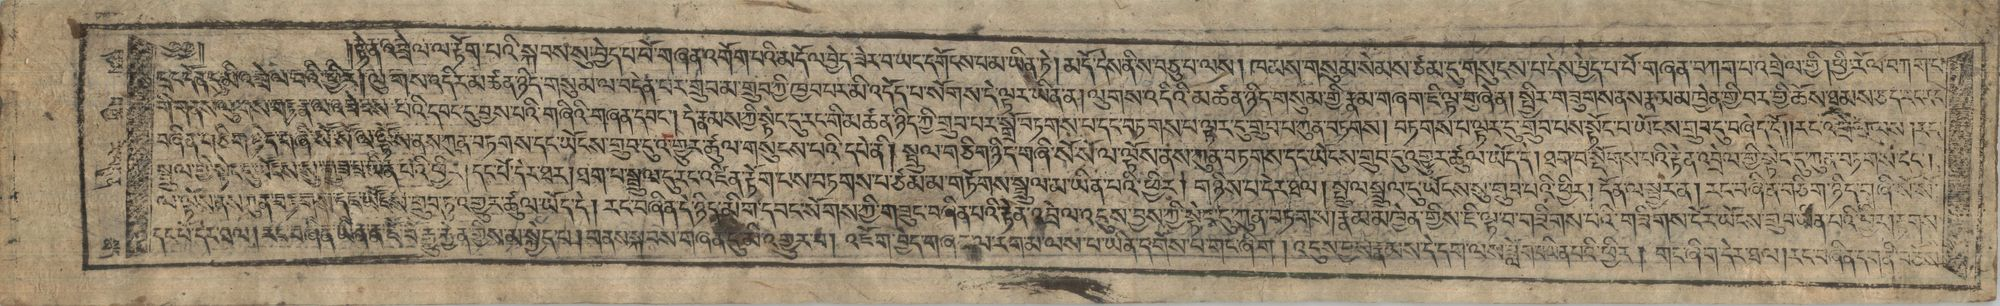༄༅། །རྟེན་འབྲེལ་ལ་རྟོག་པའི་སྐབས་སུ་བྱེད་པ་པོ་གཞན་འགོག་པའི་མདོ་ལ་བྱེད་ཟེར་བ་ཡང་དགོངས་པ་མ་ཡིན་ཏེ། མདོ་དེས་ནི་ས་བཅུ་པ་ལས། ཁམས་གསུམ་སེམས་ཙམ་དུ་གསུངས་པ་དེས་བྱེད་པ་པོ་གཞན་བཀག་པ་འགྲེལ་གྱི། ཕྱི་རོལ་བཀག་པ་
དྲང་དོན་དུ་མི་འགྲེལ་བའི་ཕྱིར། ལུགས་འདིར་མཚན་ཉིད་གསུམ་ལ་བདེན་པར་གྲུབ་མ་གྲུབ་ཀྱི་ཁྱབ་པར་མི་འདོད་པ་སོགས་དེ་ལྟར་ཡིན་ན། ལུགས་འདིའི་མཚན་ཉིད་གསུམ་གྱི་རྣམ་གཞག་ཇི་ལྟ་བུ་ཞེ་ན། སྤྱིར་གཟུགས་ནས་རྣམ་མཁྱེན་གྱི་བར་གྱི་ཆོས་ཐམས་ཅད་རང་རང་
གི་གནས་ལུགས་གཏན་ལ་འབེབས་པའི་དབང་དུ་བྱས་པའི་གཞིའི་གཞན་དབང་། དེ་རྣམས་ཀྱི་སྟེང་དུ་རང་གི་མཚན་ཉིད་ཀྱི་གྲུབ་པར་སྒྲོ་བཏགས་པ་དང་བཏགས་པ་ལྟར་དུ་གྲུབ་པ་ཀུན་བཏགས། བཏགས་པ་ལྟར་དུ་གྲུབ་པས་སྟོང་པ་ཡོངས་གྲུབ་དུ་བཞེད་དོ། །རང་འགྲེལ་ལས་།རང་
བཞིན་གཅིག་ཉིད་གཞི་སོ་སོ་ལ་ལྟོས་ནས་ཀུན་བཏགས་དང་ཡོངས་གྲུབ་དུ་འགྱུར་ཚུལ་གསུངས་པའི་དཔེ་ནི། སྦྲུལ་གཅིག་ཉིད་གཞི་སོ་སོ་ལ་ལྟོས་ནས་ཀུན་བཏགས་དང་ཡོངས་གྲུབ་དུ་འགྱུར་ཚུལ་ཡོད་དེ། ཐག་བསྡོགསྤའི་རྟེན་འགྲེལ་གྱི་སྟེང་དུ་ཀུན་བཏགས་དང་།
སྦྲུལ་གྱི་སྟེང་དུ་ཡོངས་སུ་གྲུབ་པ་ཡིན་པའི་ཕྱིར། དང་པོ་དེར་ཐལ། ཐག་པ་སྦྲུལ་དུ་རང་འཛིན་རྟོག་པས་བཏགས་པ་ཙམ་མ་གཏོགས་སྦྲུལ་མ་ཡིན་པའི་ཕྱིར། གཉིས་པ་དེར་ཐལ། སྦྲུལ་སྦྲུལ་དུ་ཡོངས་སུ་གྲུབ་པའི་ཕྱིར། དོན་ལ་སྦྱར་ན། རང་བཞིན་གཅིག་ཉིད་གཞི་སོ་སོ་
ལ་ལྟོས་ནས་ཀུན་བཏགས་དང་ཡོངས་གྲུབ་ཏུ་འགྱུར་ཚུལ་ཡོད་དེ། རང་བཞིན་དེ་ཉིད་མིག་དབང་སོགས་ཀྱི་གཟུང་བཞིན་པའི་རྟེན་འབྲེལ་འདུས་བྱས་ཀྱི་སྟེང་དུ་ཀུན་བཏགས། རྣམ་མཁྱེན་གྱིས་ཇི་ལྟ་བ་གཟིགས་པའི་གཟིགས་ངོར་ཡོངས་གྲུབ་ཡིན་པའི་ཕྱིར། རྟགས་
དང་པོ་དེར་ཐལ། རང་བཞིན་ཡིན་ན་ངོ་བོ་རྒྱུ་རྐྱེན་གྱིས་མ་སྐྱེད་པ། གནས་སྐབས་གཞན་དུ་མི་འགྱུར་བ། འཇོག་བྱེད་གཞན་ལ་རག་མ་ལས་པ་ཡིན་དགོས་པ་གང་ཞིག ། འདུས་བྱས་རྣམས་དེ་དག་ལས་ཟློག་པ་ཡིན་པའི་ཕྱིར། གང་ཞིག་དེར་ཐལ། རང་བཞིན་དག་ནི་བཅོས་